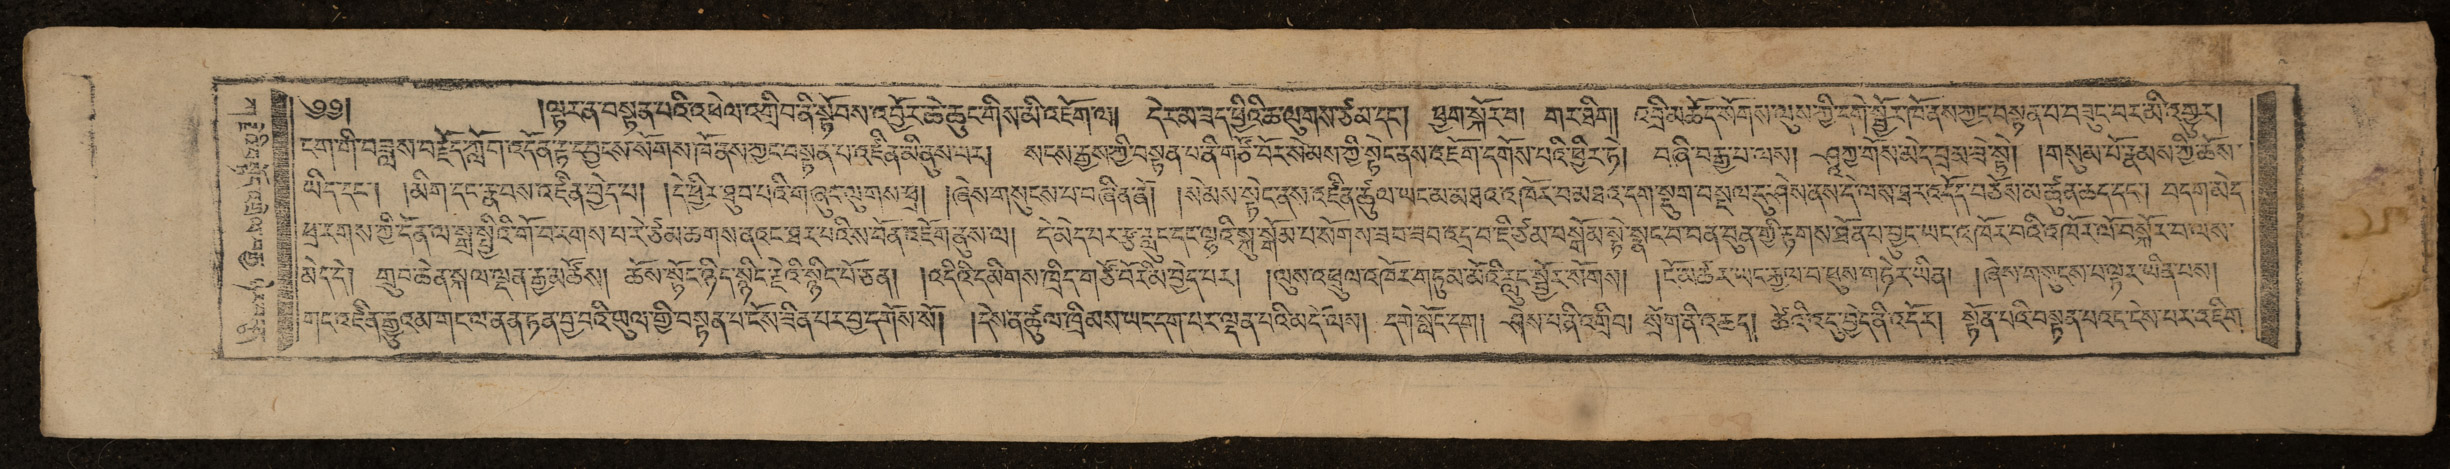༄༅། །ལྟར་ན་བསྟན་པའི་འཕེལ་འགྲིབ་ནི་སྟོབས་འབྱོར་ཆེ་ཆུང་གིས་མི་འཇོག་ལ། དེར་མ་ཟད་ཕྱིའི་ཆ་ལུགས་ཙམ་དང་། ཕྱག་སྐོར་བ། གར་ཐིག། འབྲི་མཆོད་སོགས་ཡུས་ཀྱི་དགེ་སྦྱོར་ཁོ་ནས་ཀྱང་བསྟན་པ་བཟུང་པར་མི་འགྱུར།
ངག་གི་བཟླས་བརྗོད་ཀློག་འདོན་རྟ་དབྱངས་སོགས་ཁོ་ནས་ཀྱང་བསྟན་པ་འཛིན་མི་ནུས་པར། སངས་རྒྱས་ཀྱི་བསྟན་པ་ནི་གཙོ་བོར་སེམས་ཀྱི་སྟེང་ནས་འཇོག་དགོས་པའི་ཕྱིར་ཏེ། བཞི་བརྒྱ་པ་ལས། ཤཱཀྱ་གོས་མེད་བྲམ་ཟེ་སྟེ། །གསུམ་པོ་རྣམས་ཀྱི་ཆོས་
ཡིད་དང་། །མིག་དང་རྣ་བས་འཛིན་བྱེད་པ། །དེ་ཕྱིར་ཐུབ་པའི་གཞུང་ལུགས་ཕྲ། །ཞེས་གསུངས་པ་བཞིན་ནོ། །སེམས་སྟེང་ནས་འཛིན་ཚུལ་ཡང་མ་མཐའ་འཁོར་བ་མཐའ་དག་སྡུག་བསྔལ་དུ་ཤེས་ནས་དེ་ལས་ཐར་འདོད་བཅོས་མ་ཚུན་ཆད་དང་། བདག་མེད་
ཕྲ་རགས་ཀྱི་དོན་ལ་སྒྲ་སྤྱིའི་གོ་བ་རགས་པ་རེ་ཙམ་ཆགས་ནའང་ཐར་པའི་ས་བོན་འཇོག་ནུས་ལ། དེ་མེད་པར་རྩ་རླུང་དང་ལྷའི་སྐུ་སྒོམ་པ་སོགས་ཟབ་ཟབ་འདྲ་བ་ཇི་ཙམ་བསྒོམ་སྟེ་སྣང་བ་བན་བུན་གྱི་རྟགས་ཐོན་པ་བྱུང་ཡང་འཁོར་བའི་འཁོར་ལོ་བསྐོར་བ་ལས་
མེད་དེ། གྲུབ་ཆེན་སྐལ་ལྡན་རྒྱ་མཚོས། ཆོས་སྟོང་ཉིད་སྙིང་རྗེའི་སྙིང་པོ་ཅན། །འདིའི་དམིགས་ཁྲིད་གཙོ་བོར་མི་བྱེད་པར། །ལུས་འཕྲུལ་འཁོར་གཏུམ་མོའི་རླུང་སྦྱོར་སོགས། །ངོ་མཚར་ཡང་རྒྱལ་པ་ཕུས་གཏེར་ཡིན། །ཞེས་གསུངས་པ་ལྟར་ཡིན་པས།
གང་འཛིན་རྒྱུའམ་གང་ལ་ནན་ཏན་བྱ་བའི་ཡུལ་གྱི་བསྟན་པ་ངོས་ཟིན་པར་བྱ་དགོས་སོ། །དེས་ན་ཚུལ་ཁྲིམས་ཡང་དག་པར་ལྡན་པའི་མདོ་ལས། དགེ་སློང་དག །ཤེས་པ་ནི་འགྲིབ། སྲོག་ནི་འཆད། ཚེའི་འདུ་བྱེད་ནི་འདོར། སྟོན་པའི་བསྟན་པའང་ངེས་པར་འཇིག་